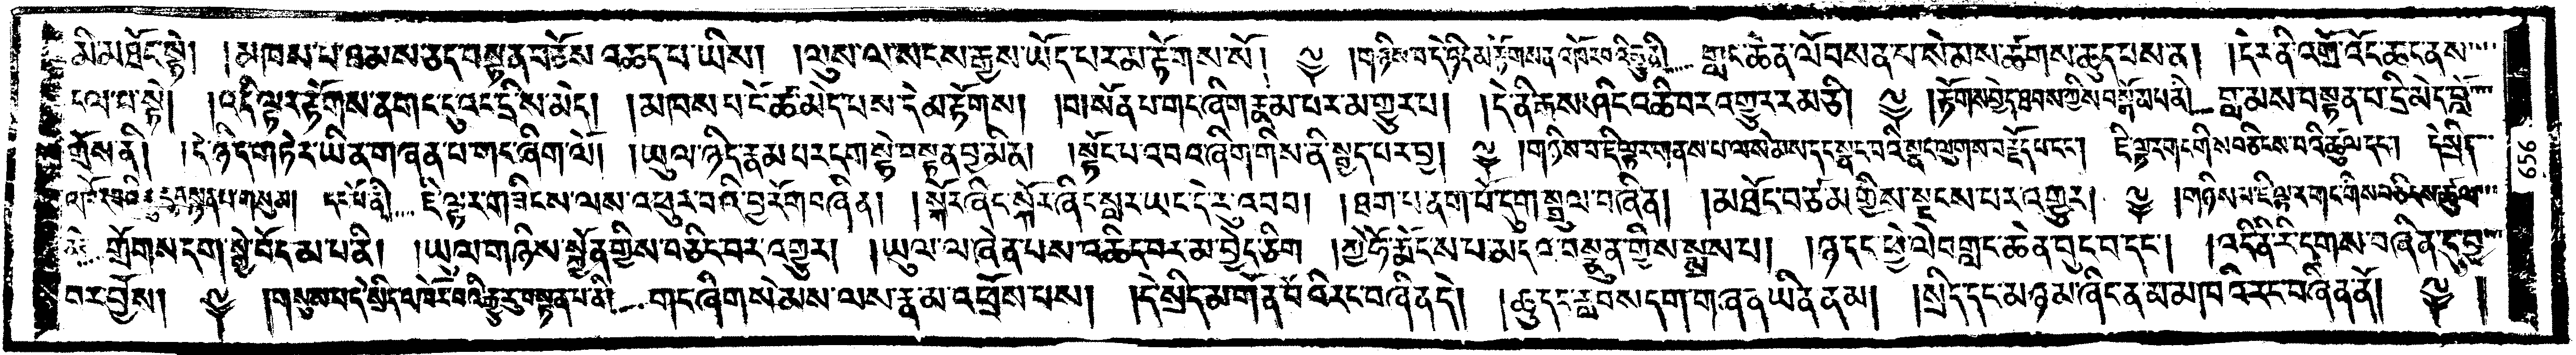མི་མཐོང་སྟེ། །མཁས་པ་ཐམས་ཅད་བསྟན་བཅོས། འཆད་པ་ཡིས། །ལུས་ལ་སངས་རྒྱས་ཡོད་པར་མ་རྟོགས་སོ། ༈ །གཉིས་པ་དེ་ཉིད་མ་རྟོགས་ན་འཁོར་བའི་རྒྱུ་ནི། གླང་ཆེན་ལོབས་ནས་སེམས་ཚགས་ཆུད་པས་ན། །དེར་ནི་འགྲོ་འོང་ཆང་ནས་
དལ་བ་སྟེ། །འདི་ལྟར་རྟོགས་ན་གང་དུའང་དྲིས་མེད། །མཁས་པ་བོ་ཚ་མེད་པས་དེ་མ་རྟོགས། །གསོན་པ་གང་ཞིག་རྣམ་པར་མ་གྱུར་པ། །དེ་ནི་རྒས་ཤིང་འཆི་བར་འགྱུར་རམ་ཅི། ༈ །རྟོགས་བྱེད་ཐབས་ཀྱིས་བསྒོམ་པ་ནི། བླ་མས་བསྟན་པ་དྲི་མེད་བློ་གྲོས་ནི། །དེ་ཉིད་གཏེར་ཡིན་གཞན་པ་གང་ཞིག་ལོ། །ཡུལ་ཉིད་རྣམ་པར་དག་སྟེ་བསྟན་བྱ་མིན། །སྟོང་པ་འབའ་ཞིག་གིས་ནི་སྤྱད་པར་བྱ། ༈ །གཉིས་པ་ཇི་ལྟར་གནས་པ་ལས་སེམས་དང་སྣང་པའི་སྣང་ལུགས་བརྗོད་པ་དང་། ཇི་ལྟར་གང་གིས་བཅིངས་པའི་ཚུལ་དང་། དེ་སྲིད་
འཁོར་བའི་རྒྱ་རུང་སྙད་བ་གསུམ། དང་པོ་ནི། ཇི་ལྟར་གཟིངས་ལས་འཕུར་བའི་བྱ་རོག་བཞིན། །སྐོར་ཞེང་སྒོར་ཞིང་སླར་ཡང་དེ་རུ་འབབ། །ཐག་པ་ནག་པོ་དུག་སྦྲུལ་བཞིན། །མཐོང་བ་ཙམ་གྱིས་སྔངས་པར་འགྱུར། ༈ །གཉིས་པ་ཇི་ལྟར་གང་གིས་བཅིངས་ཚུལ་
ནི། གྲོགས་དག་སྦྱེ་བོ་དམ་པ་ནི། །ཡུལ་གཉིས་སྐྱེན་གྱིས་བཅིང་བར་འགྱུར། །ཡུལ་ལ་ཞེན་པས་འཆིད་བར་མ་བྱེད་ཅིག །ཀྱེ་ཧོ་རྨོངས་པ་མདའ་བསྣུན་གྱིས་སྨྲས་པ། །ཉ་དང་ཕྱེ་ལེ་བགླང་ཆེན་བུང་བ་དང་། །འདི་ནི་རི་དྭགས་བཞིན་དུ་བྱ་
པར་བྱོས། ༈ །གསུམ་པ་དེ་སྲིད་འཁར་བའི་རྒྱུ་རུ་བསྟན་པ་ནི། གང་ཞིག་སེམས་ལས་རྣམ་འཕྲོས་པས། །དེ་སྲིད་མགོན་པོའི་རང་བཞིན་དེ། །ཆུ་དང་རླབས་དག་གཞན་ཡིན་ནམ། །སྲིད་དང་མཉམ་ཞིང་ནམ་མཁའི་རང་བཞིན་ནོ། ༈ །